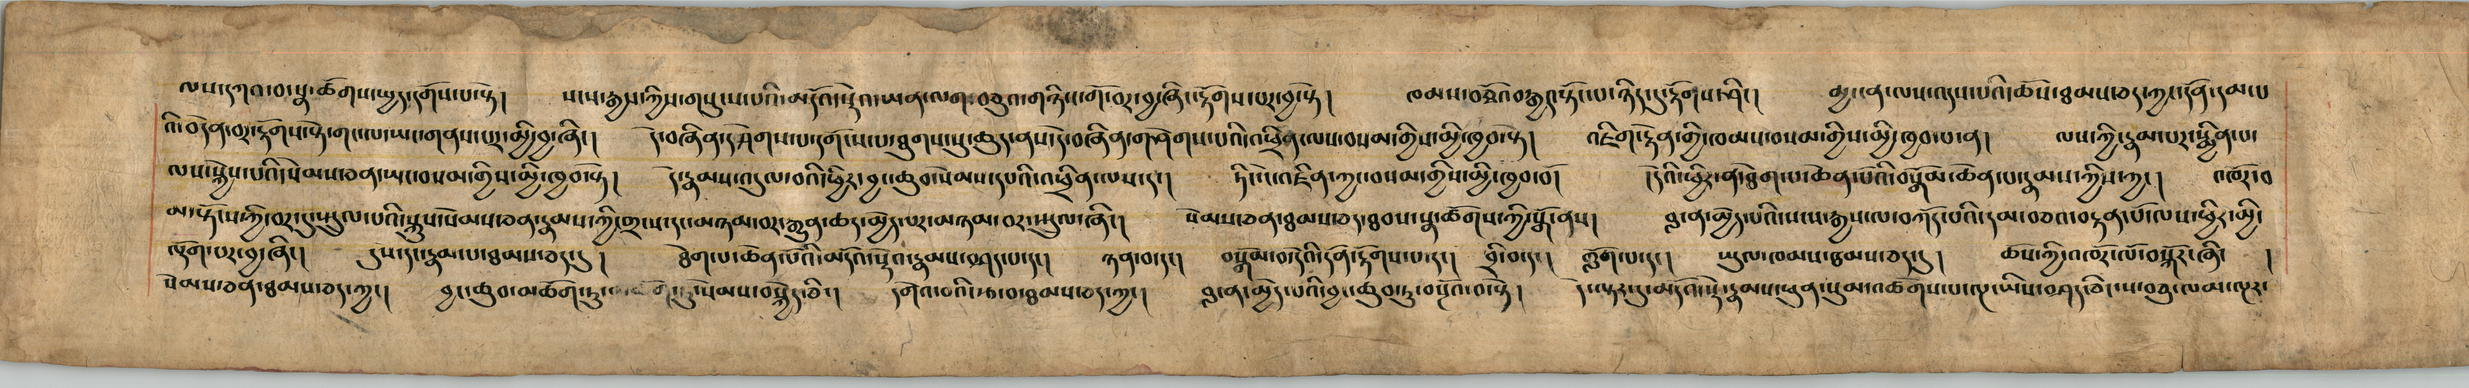ལས་དཀའ་བ་སྣ་ཚོགས་སྤྱད་དགོས་པ་སྟེ། སངས་རྒྱས་ཀྱིས་གསུངས་པའི་མདོའ་སྡེའ་ཡན་ལག་བཅུའ་གཉིས་གོ་བར་བྱ་སྟེ། ཁམས་བཅྭོའ་བརྒྱད་སྟོང་པ་ཉིད་དུ་རྟོགས་ཤིང། མྱ་ངན་ལས་འདས་པའི་ཆོས་ཐམས་ཅད་ཀྱང་དོན་དམ་པ
འི་བདེན་བར་རྟོགས་སྟེ་གང་ལ་ཡང་གནས་པར་མྱི་བྱ་ཞིང། དེ་བཞིན་དཤེགས་པ་དགོངས་པ་ཐུགས་སུ་ཆུད་ནས་དེ་བཞིན་གཤེགས་པའི་འཕྲིན་ལས་བསམ་གྱིས་མྱི་ཁྱབ་སྟེ། འཇིག་རྟེན་གྱི་ཁམས་བསམ་གྱིས་མྱི་ཁྱབ་པ་ན། ལས་ཀྱི་རྣམ་པར་སྨྱིན་པ་
ལས་སྐྱེས་པའི་སེམས་ཅན་ཡང་བསམ་གྱིས་མྱི་ཁྱབ་སྟེ། དེ་རྣམས་འདུལ་བའི་ཕྱིར་བྱང་ཆུབ་སེམས་དཔའི་འཕྲིན་ལས་དང། ཏིང་ངེ་འཛིན་ཀྱང་བསམ་གྱིས་མྱི་ཁྱབ་བོ། །དེའི་ཕྱིར་ན་ཐེག་པ་ཆེན་པོའི་བསྒོམ་ཆེན་པ་རྣམས་ཀྱིས་ཀྱང། འཁོར་བ
མ་སྟོངས་ཀྱི་བར་དུ་སྤྲུལ་པའི་སྐུས་སེམས་ཅན་རྣམས་ཀྱི་གྲངས་དང་མཉམ་བར་རྒྱན་ཆད་མྱེད་པར་མཉམ་བར་སྤྲུལ་ཞིང། སེམས་ཅན་ཐམས་ཅད་ཐབས་སྣ་ཚོགས་ཀྱི་སྒོ་ནས། བླ་ན་མྱེད་པའི་སངས་རྒྱས་ལ་བཀོད་པའི་དམ་བཅའ་བརྟན་པོ་ལས་ཕྱིར་མྱི་
ལྡོག་པར་བྱ་ཞིང། དུས་དང་རྣམ་པ་ཐམས་ཅད་དུ ། ཐེག་པ་ཆེན་པོའི་མདོའ་སྡེའ་རྣམས་བཤད་པ་དང། ཉན་བ་དང། བསྒོམ་བ་དེའི་དོན་རྟོགས་པ་དང། བྲི་བ་དང། གློག་པ་དང། ཡུལ་ཁམས་ཐམས་ཅད་དུ། ཆོས་ཀྱི་འཁོར་ལོ་བསྐོར་ཞིང
སེམས་ཅན་ཐམས་ཅད་ཀྱང། བྱང་ཆུབ་མཆོག་ཏུ་མཆོག་ཏུ་སེམས་བསྐྱེད་ཅིང། དགེའ་བའི་རྩ་བ་ཐམས་ཅད་ཀྱང། བླ་ན་མྱེད་པའི་བྱང་ཆུབ་ཏུ་བསྔོའ་བ་སྟེ། དེ་ལྟར་དུ་མདོའ་སྡེ་རྣམས་ཕུན་སུམ་འཚོགས་པ་ལྔ་ཡིས་བཤད་ཅིང་ས་བཅུ་ལམ་ལྔར་